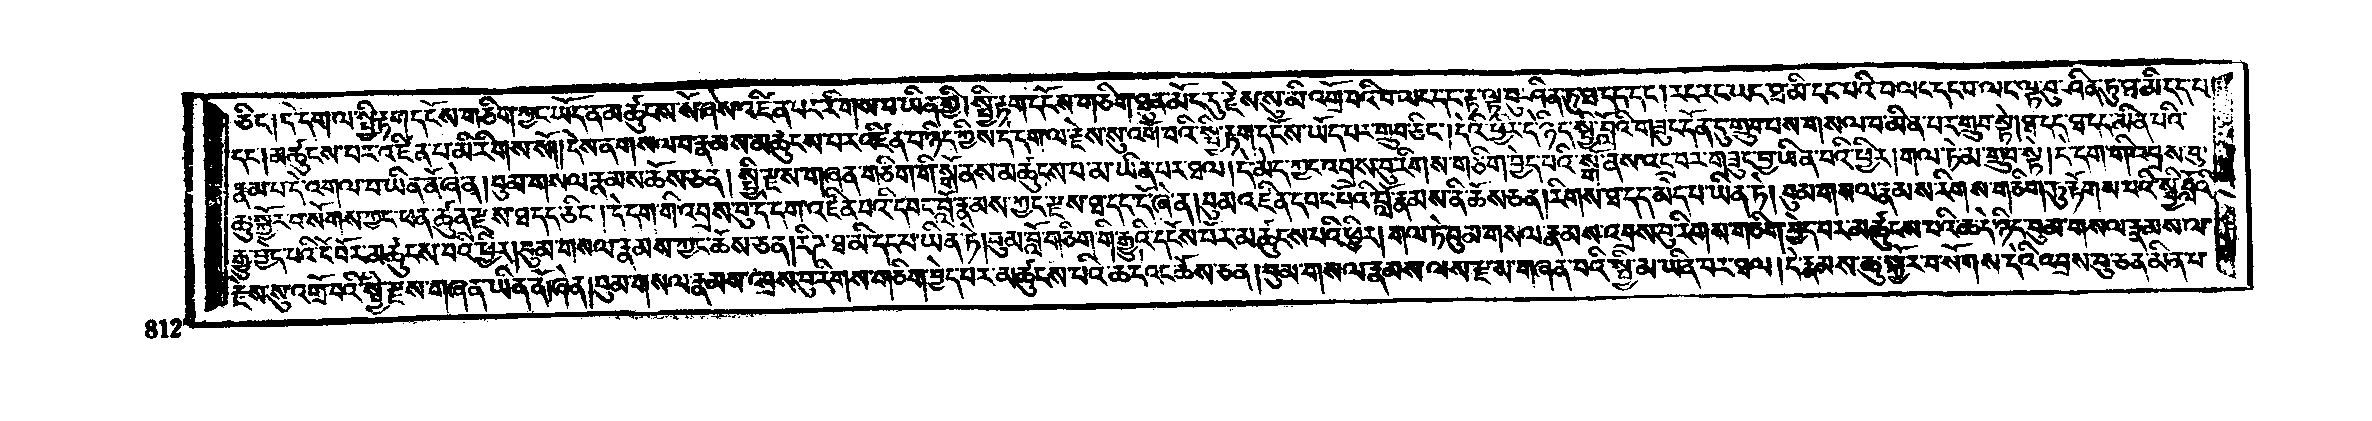ཅིང་། དེ་དག་ལ་སྤྱི་རྟག་དངོས་གཅིག་ཀྱང་ཡོད་ན་མཚུངས་སོ་ཞེས་འཛིན་པར་རིགས་པ་ཡིན་གྱི། སྤྱི་རྟག་དངོས་གཅིག་ཐུན་མོང་དུ་རྗེས་སུ་མི་འགྲོ་བའི་བ་ལང་དང་རྟ་ལྟ་བུ་ཤིན་ཏུ་ཐ་དད་དང་། རང་རང་ཡང་ཐ་མི་དད་པའི་བ་ལང་དང་བ་ལང་ལྟ་བུ་ཤིན་ཏུ་ཐ་མི་དད་པ་
དང་། མཚུངས་པར་འཛིན་པ་མི་རིགས་སོ། །དེས་ན་གསལ་བ་རྣམས་མཚུངས་པར་འཛིན་པ་ཉིད་ཀྱིས་དེ་དག་ལ་རྗེས་སུ་འགྲོ་བའི་སྤྱི་རྟག་དངོས་ཡོད་པར་གྲུབ་ཅིང་། དེའི་ཕྱིར་དེ་ཉིད་སྤྱི་བློའི་གཟུང་དོན་དུ་གྲུབ་པས་གསལ་བ་མིན་པར་གྲུབ་སྟེ། ཐ་དད་ཐ་དད་མིན་པའི་
རྣམ་པ་དེ་འགལ་བ་ཡིན་ནོ་ཞེ་ན། བུམ་གསལ་རྣམས་ཆོས་ཅན། སྤྱི་རྫས་གཞན་གཅིག་གི་སྒོ་ནས་མཚུངས་པ་མ་ཡིན་པར་ཐལ། དེ་མེད་ཀྱང་འབྲས་བུ་རིགས་གཅིག་བྱེད་པའི་སྒོ་ནས་འདྲ་བར་གཟུང་བྱ་ཡིན་པའི་ཕྱིར། གལ་ཏེ་མ་གྲུབ་སྟེ། དེ་དག་གི་འབྲས་བུ་
ཆུ་སྐྱོར་བ་སོགས་ཀྱང་ཕན་ཚུན་རྫས་ཐ་དད་ཅིང་། དེ་དག་གི་འབྲས་བུ་དེ་དག་འཛིན་པའི་དབང་བློ་རྣམས་ཀྱང་རྫས་ཐ་དད་དོ་ཞེ་ན། བུམ་འཛིན་དབང་པོའི་བློ་རྣམས་ནི་ཆོས་ཅན། རིགས་ཐ་དད་མེད་པ་ཡིན་ཏེ། བུམ་གསལ་རྣམས་རིགས་གཅིག་ཏུ་རྟོགས་པའི་སྤྱི་བློའི་
རྒྱུ་བྱེད་པའི་ངོ་བོར་མཚུངས་པའི་ཕྱིར། བུམ་གསལ་རྣམས་ཀྱང་ཆོས་ཅན། རིགས་ཐ་མི་དད་པ་ཡིན་ཏེ། བུམ་བློ་གཅིག་གི་རྒྱུའི་དངོས་པོར་མཚུངས་པའི་ཕྱིར། གལ་ཏེ་བུམ་གསལ་རྣམས་འབྲས་བུ་རིགས་གཅིག་བྱེད་པར་མཚུངས་པའི་ཆ་དེ་ཉིད་བུམ་གསལ་རྣམས་ལ་
རྗེས་སུ་འགྲོ་བའི་སྤྱི་རྫས་གཞན་ཡིན་ནོ་ཞེ་ན། བུམ་གསལ་རྣམས་འབྲས་བུ་རིགས་གཅིག་བྱེད་པར་མཚུངས་པའི་ཆ་དེའང་ཆོས་ཅན། བུམ་གསལ་རྣམས་ལས་རྫས་གཞན་པའི་སྤྱི་མ་ཡིན་པར་ཐལ། དེ་རྣམས་ཆུ་སྐྱོར་བ་སོགས་དེའི་འབྲས་བུ་ཅན་མིན་པ་